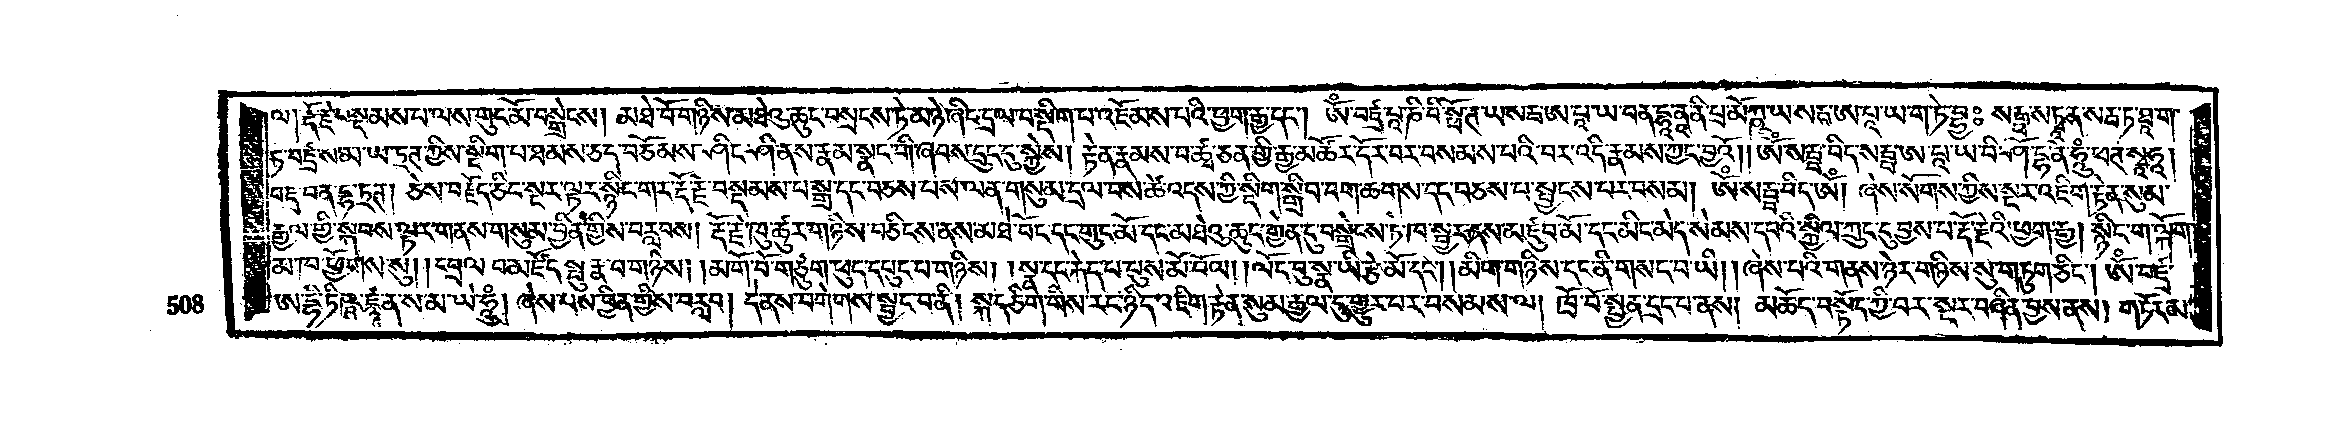ལ། རྡོ་རྗེ་བསྡམས་པ་ལས་གུང་མོ་བསྒྲེངས། མཐེ་བོ་གཉིས་མཐེའུ་ཆུང་བསྲངས་ཏེ་མཉེ་ཞིང་དྲལ་བ་སྡིག་པ་འཇོམས་པའི་ཕྱག་རྒྱ་དང་། ཨོཾ་བཛྲ་པཱ་ཎི་བི་སྥོ་ཊ་ཡ་སརྦྦ་ཨ་པཱ་ཡ་བན་དྷཱ་ནཱ་ནི་པྲ་མོཀྵ་ཡ་སརྦ་ཨ་པཱ་ཡ་ག་ཏེ་བྷྱཿ སརྦྦ་སཏྭཱན་སརྦ་ཏ་ཐཱ་ག་
ཏ་བཛྲ་ས་མ་ཡ་ཏྲཊ་ཀྱིས་སྡིག་པ་ཐམས་ཅད་བཅོམས་ཤིང་ཤི་ནས་རྣམ་སྣང་གི་ཞབས་དྲུང་དུ་སྐྱེས། རྟེན་རྣམས་པ་ཚྭ་ཅན་གྱི་རྒྱ་མཚོར་དོར་བར་བསམས་པའི་བར་འདི་རྣམས་ཀྱང་བྱའོ། །ཨོཾ་སརྦྦ་བིད་སརྦྦ་ཨ་ཡ་པཱ་ཡ་བི་ཤོ་དྷ་ནི་ཧཱུཾ་ཕཊ་སྭཱ་ཧཱ།
བཛྲ་བན་དྷ་ཏྲཊ། ཅེས་བརྗོད་ཅིང་སྔར་ལྟར་སྙིང་གར་རྡོ་རྗེ་བསྡམས་པ་སྒྲ་དང་བཅས་པས་ལན་གསུམ་དྲལ་བས་ཚེ་འདས་ཀྱི་སྡིག་སྒྲིབ་བག་ཆགས་དང་བཅས་པ་སྦྱངས་པར་བསམ། ཨོཾ་སརྦྦ་བིད་ཨོཾ། ཞེས་སོགས་ཀྱི་སྔར་འཇིག་རྟེན་སུམ་
རྒྱལ་གྱི་སྐབས་ལྟར་གནས་གསུམ་བྱིན་གྱིས་བརླབས། རྡོ་རྗེ་ཁུ་ཚུར་གཉིས་བཅིངས་ནས་མཐེ་བོང་དང་གུང་མོ་དང་མཐེའུ་ཆུང་གྱེན་དུ་བསྒྲེངས་ཏེ་ཁ་སྦྱར་ནས་མཛུབ་མོ་དང་མིང་མེད་སེམས་དཔའི་སྐྱིལ་ཀྲུང་དུ་བྱས་པ་རྡོ་རྗེའི་ཕྱག་རྒྱ། སྙིང་ག་ལྐོག་
མ་ཁ་ཕྱོགས་སུ། །དཔྲལ་བ་མཛོད་སྤུ་རྣ་བ་གཉིས། །མགོ་བོ་གཙུག་ཕུད་དཔུང་པ་གཉིས། །སྣ་དང་རྐེད་པ་པུས་མོ་བོལ། །ལོང་བུ་སྣ་ཡི་རྩེ་མོ་དང་། །མིག་གཉིས་དང་ནི་གསང་བ་ཡི། །ཞེས་པའི་གནས་ཉེར་གཉིས་སུ་གཏུག་ཅིང་། ཨོཾ་བཛྲ་
ཨ་དྷི་ཏི་ཤཊཿཨི་ཛྙ་ན་ས་མ་ཡ་ཧཱུཾ། ཞེས་པས་བྱིན་གྱིས་བརླབ། དེ་ནས་བགེགས་སྦྱང་བ་ནི། སྐད་ཅིག་གིས་རང་ཉིད་འཇིག་རྟེན་སུམ་རྒྱལ་དུ་གྱུར་པར་བསམས་ལ། ཁྲོ་བོ་སྤྱན་དྲང་བ་ནས། མཆོད་བསྟོད་ཀྱི་བར་སྔར་བཞིན་བྱས་ནས། གཏོར་མ་